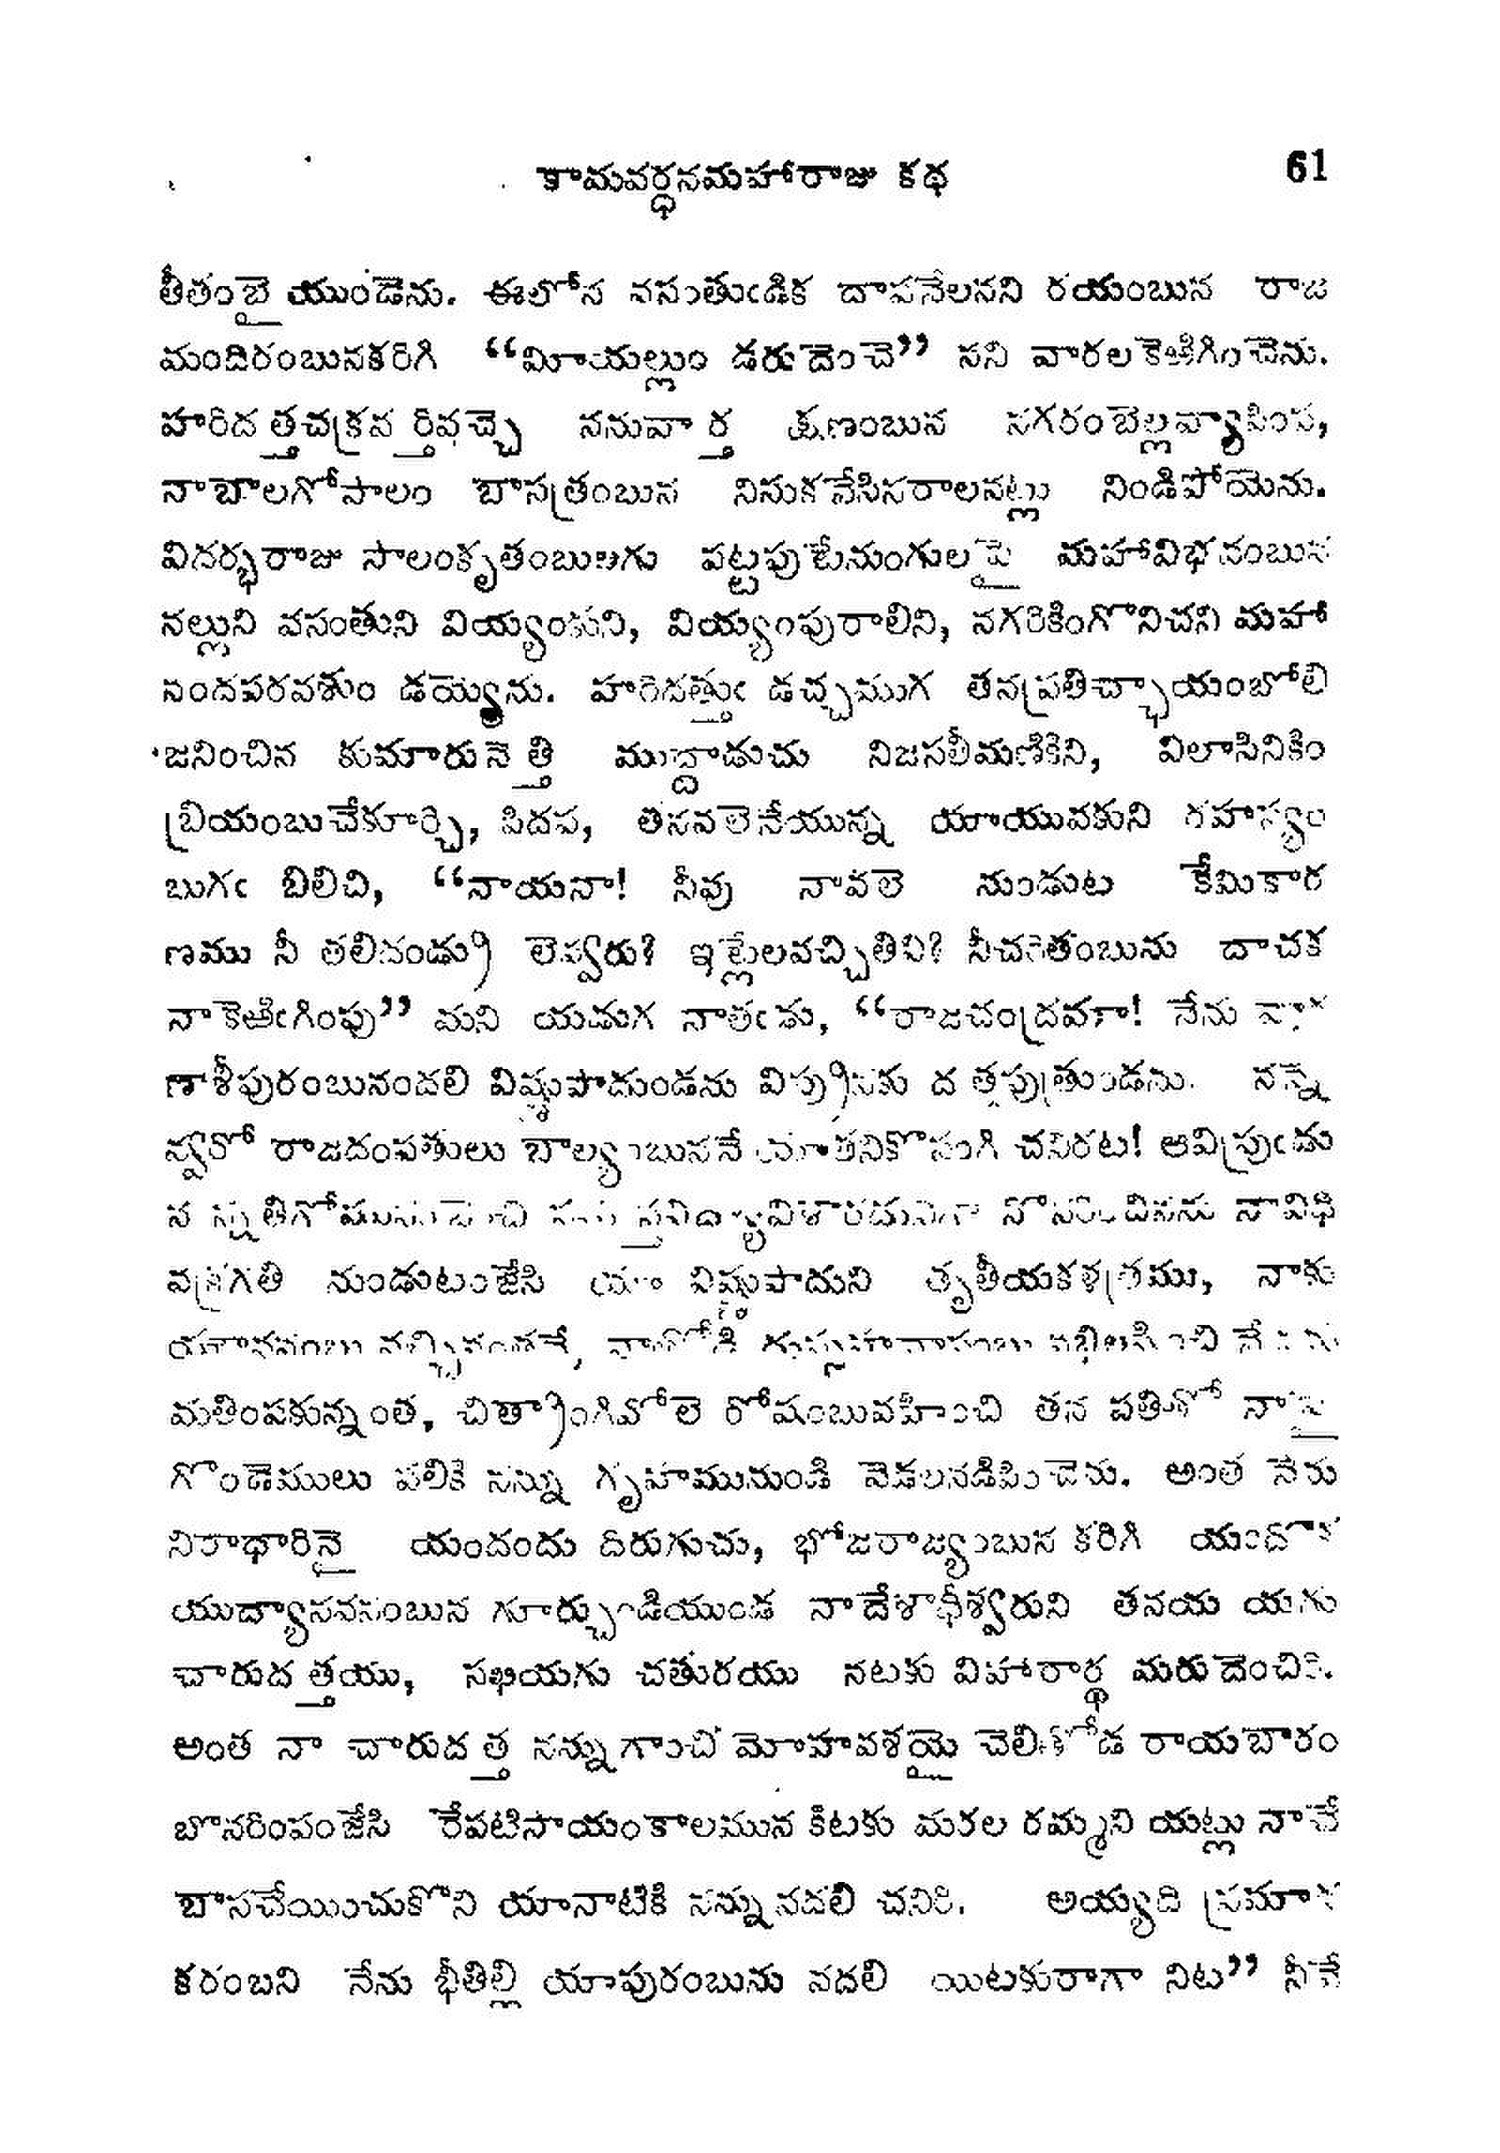తీతంబై యుండెను. ఈలోన వసంతుఁడిక దాపనేలనని రయంబున రాజమందిరంబునకరిగి “మియల్లుం డరుదెంచె" నని వారల కెఱిగించెను. హరిదత్తచక్రవర్తివచ్చె ననువార్త క్షణంబున నగరం బెల్లవ్యాపింప, నా బాలగోపాలం బాసత్రంబున నిసుక వేసినరాలనట్లు నిండి పోయెను. విదర్భరాజు సాలంకృతంబులగు పట్టపు టేనుంగులపై మహావిభవంబున నల్లుని వసంతుని వియ్యంకుని, వియ్యంపురాలిని, నగరికింగొనిచని మహానందపరవశుం డయ్యెను. హరిదత్తుఁ డచ్చముగ తన ప్రతిచ్ఛాయంబోలి జనించిన కుమారునెత్తి ముద్దాడుచు నిజసతీమణికిని, విలాసినికిం బ్రియంబు చేకూర్చి, పిదప, తనవలెనే యున్న యాయువకుని రహస్యంబుగఁ బిలిచి, "నాయనా! నీవు నావలె నుండుట కేమికారణము నీ తలిదండ్రు లెవ్వరు? ఇట్లేలవచ్చితివి? నీచరితంబును దాచక నా కెఱిఁగింపు" మని యడుగ నాతఁడు, "రాజచంద్రమా! నేను వారణాశీపురంబు నందలి విష్ణుపాదుండను విప్రునకు దత్తపుత్రుండను. నన్నెవ్వరో రాజదంపతులు బాల్యంబుననే యాతనికొసంగి చనిరట! ఆవిప్రుఁడు నన్నతిగోపమునం బెంచి సమస్త విద్యావిశారదునిగా నోనరించినను నావిధి వక్రగతి నుండుటంజేసి యా విష్ణుపాదుని తృతీయకళత్రము, నాకు యౌవనంబు వచ్చినంతనే , నాతోడి దుస్సహవాసంబు నభిలషించి నే అను
మతింపకున్నంత, చిత్రాంగివోలె రోషంబువహించి తన పతితో నాపై గొండెములు పలికి నన్ను గృహమునుండి వెడల నడిపించెను. అంత నేను నిరాధారినై యందందు దిరుగుచు, భోజరాజ్యంబున కరిగి యందోక యుద్యానవనంబున గూర్చుండియుండ నా దేశాధీశ్వరుని తనయ యగు చారుదత్తయు, సఖియగు చతురయు నటకు విహారార్థ మరుదెంచిరి.
అంత నా చారుదత్త నన్ను గాంచి మోహవశయై చెలితోడ రాయబారం బొనరింపంజేసి రేపటి సాయంకాలమున కిటకు మరల రమ్మని యట్లు నాచే బాసచేయించుకొని యానాటికి నన్ను వదలి చనిరి. అయ్యది ప్రమాకరంబని నేను భీతిల్లి యాపురంబును వదలి యిటకురాగా నిట" నీవే